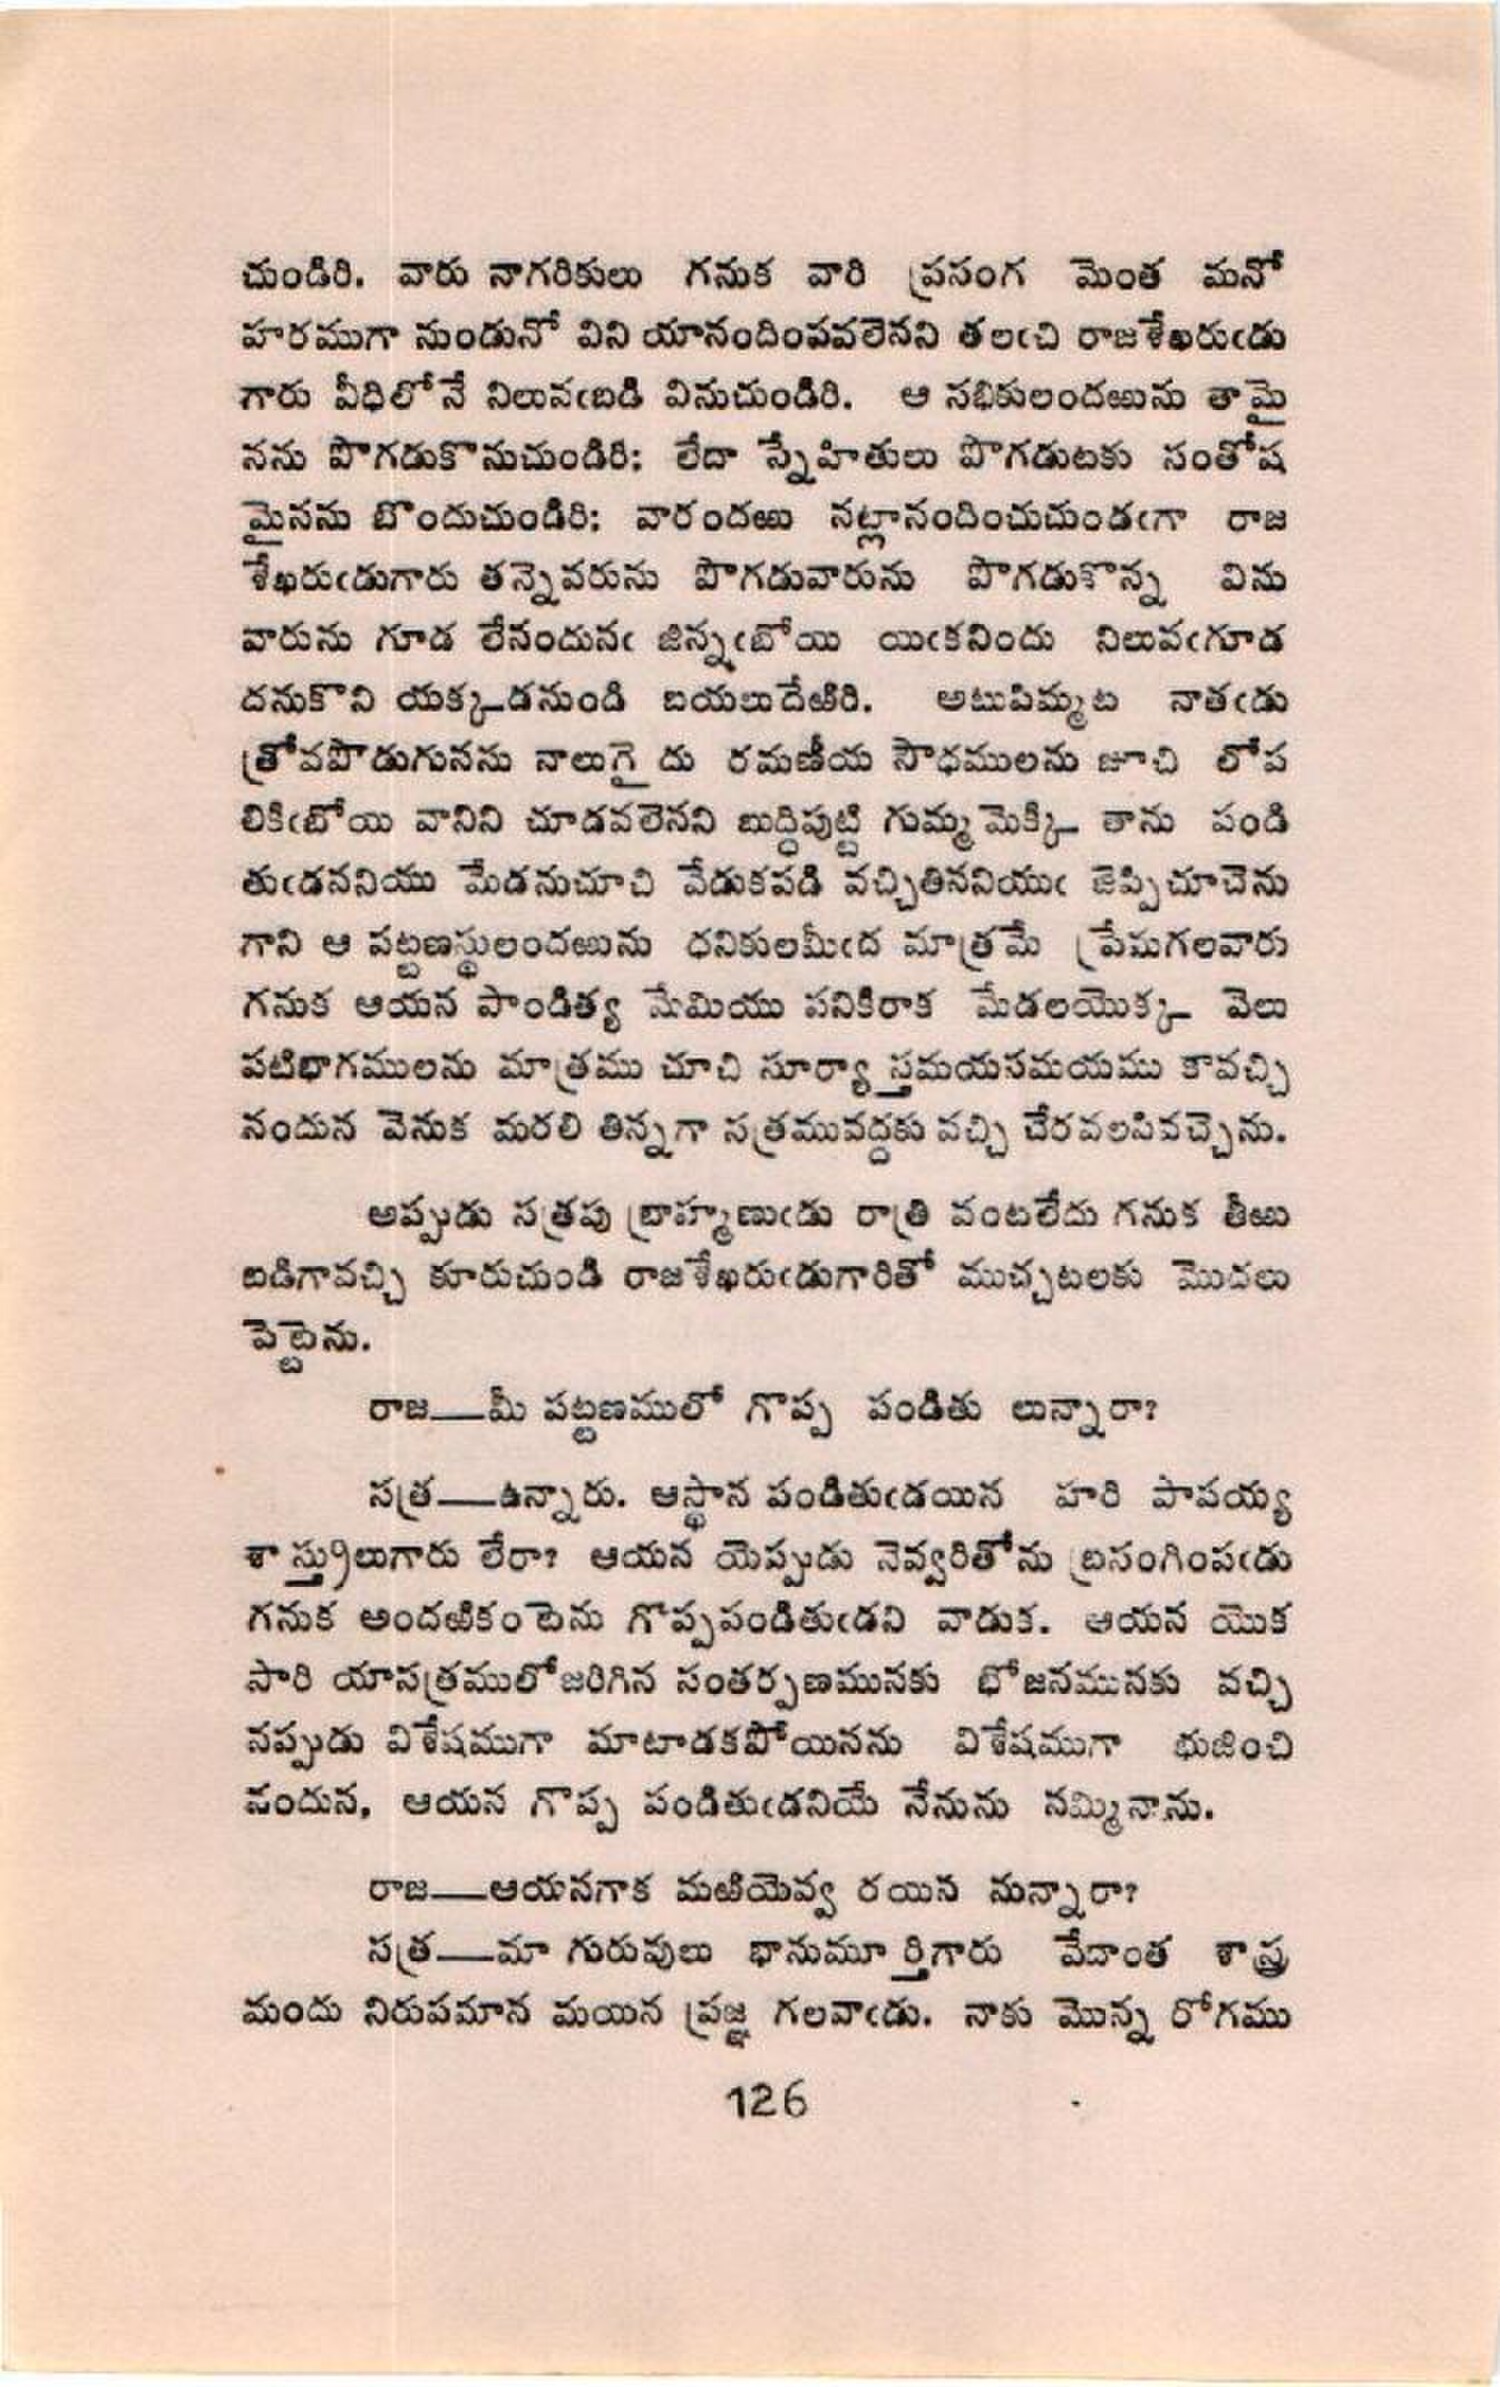చుండిరి. వారు నాగరికులు గనుక వారి ప్రసంగ మెంత మనో హరముగా నుండునో విని యానందింపవలెనని తలచి రాజశేఖరుఁడు గారు వీధిలోనే నిలువఁబడి వినుచుండిరి. ఆ సభికులందఱును తామై నను పొగడుకొనుచుండిరీ; లేదా స్నేహితులు పొగడుటకు సంతోష మైనను బొందుచుండిరి; వారందఱు నట్లానందించుచుండఁగా రాజ శేఖరుఁడుగారు తన్నెవరును పొగడువారును పొగడుకొన్న విను వారును గూడ లేనందునఁ జిన్నఁబోయి యిఁకనిందు నిలువఁగూడ దనుకొని యక్కడనుండి బయలుదేఱిరి. అటుపిమ్మట నాతఁడు త్రోవపొడుగునను నాలుగైదు రమణీయ సౌధములను జూచి లోప లికిఁబోయి వానిని చూడవలెనని బుద్దిపుట్టి గుమ్మమెక్కి తాను పండి తుఁడననియు మేడనుచూచి వేడుకపడి వచ్చితిననియుఁ జెప్పి చూచెను గాని ఆ పట్టణస్థులందఱును ధనికులమీఁద మాత్రమే ప్రేమ గలవారు గనుక ఆయన పాండిత్యమేమియు పనికిరాక మేడల యొక్క వెలు పటిభాగములను మాత్రము చూచి సూర్యాస్తమయ సమయము కావచ్చి నందున వెనుక మరలి తిన్నగా సత్రమువద్దకు వచ్చి చేరవలసివచ్చెను.

అప్పుడు సత్రపు బ్రాహ్మణుఁడు రాత్రి వంటలేదు గనుక తీఱు బడిగా వచ్చి కూరుచుండి రాజశేఖరుఁడుగారితో ముచ్చటలకు మొదలు పెప్టెను.

రాజ__మీ పట్టణములో గొప్ప పండితు లున్నారా?

సత్ర__ఉన్నారు. ఆస్థాన పండితుఁడయిన హరి పాపయ్య శాస్త్రులుగారు లేరా? ఆయన యెప్పడు నెవ్వరితోను బ్రసంగింపఁడు గనుక అందఱికంటెను గొప్ప పండితుఁడని వాడుక. ఆయన యొక సారి యాసత్రములో జరిగిన సంతర్పణమునకు భోజనమునకు వచ్చి నప్పుడు విశేషముగా మాటాడకపోయినను విశేషముగా భుజించి నందున, ఆయన గొప్ప పండితుఁడనియే నేనును నమ్మినాను.

రాజ__ఆయనగాక మఱియెవ్వరయిన నున్నారా? 

సత్ర__మా గురువులు భానుమూర్తిగారు వేదాంత శాస్త్ర మందు నిరుపమాన మయిన ప్రజ్ఞ గలవాఁడు. నాకు మొన్న రోగము